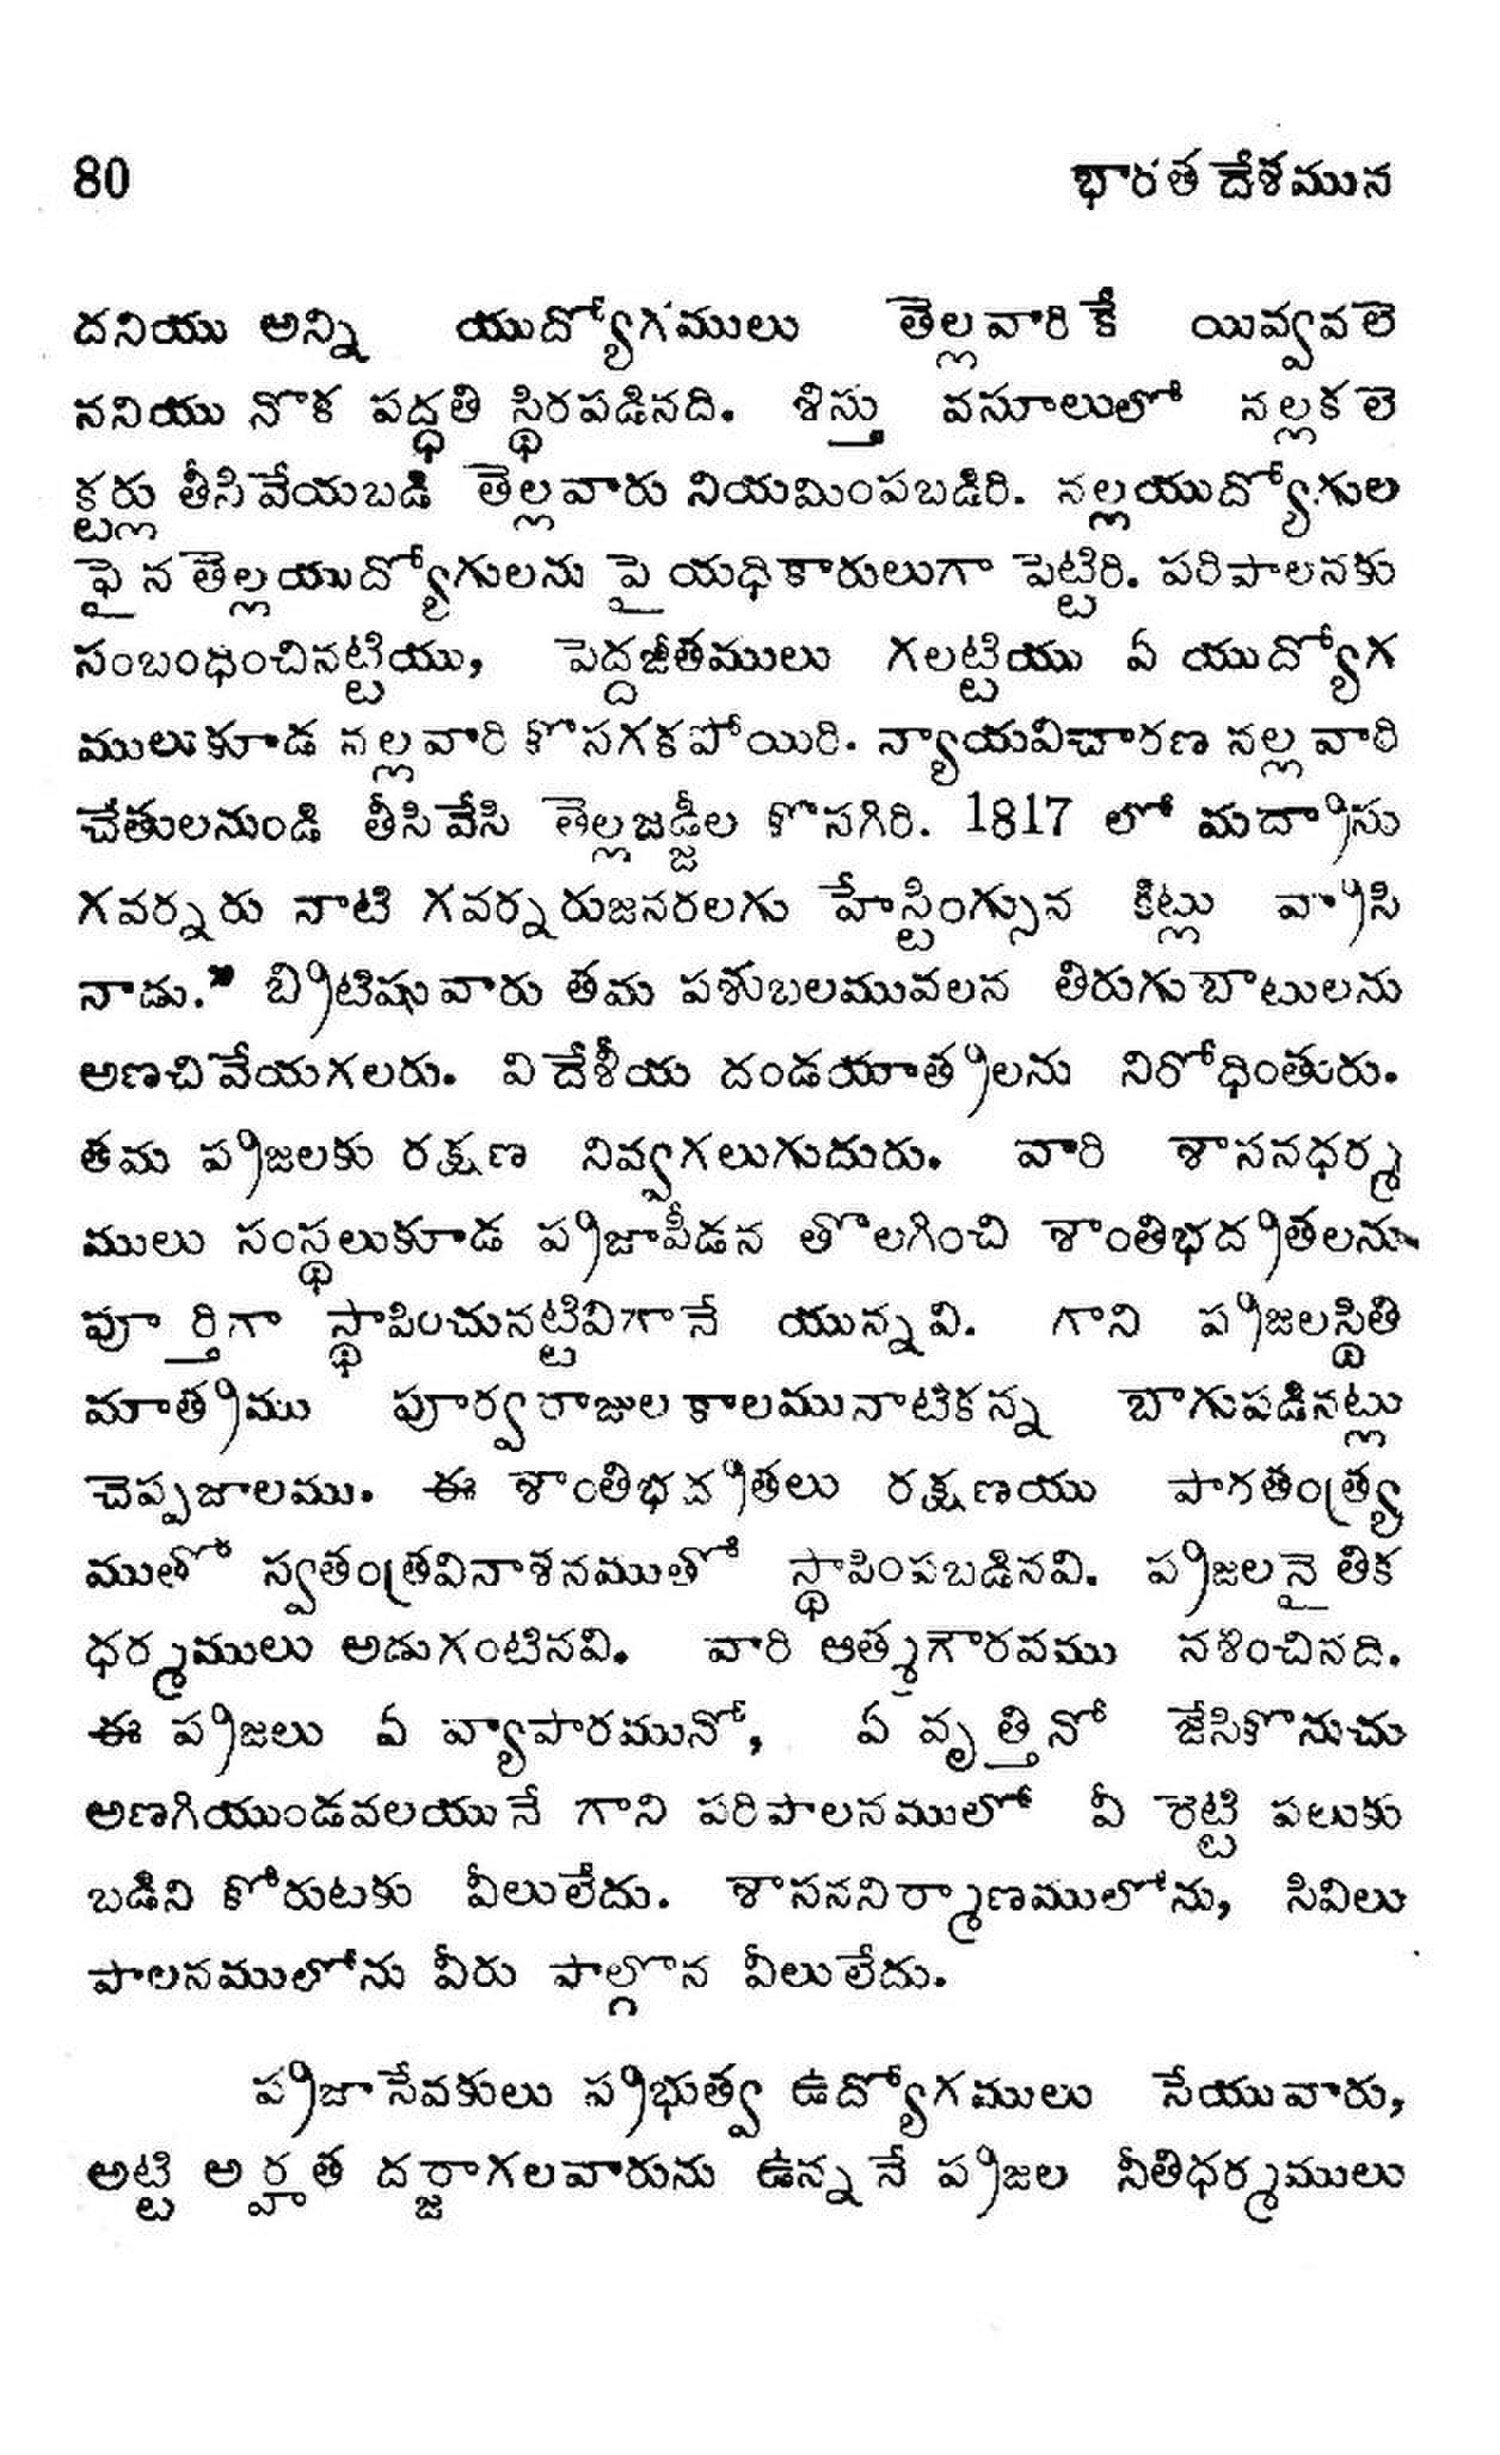దనియు అన్ని యుద్యోగములు తెల్లవారికే యివ్వవలెననియు నొక పద్దతి స్థిరపడినది. శిస్తు వసూలులో నల్లకలెక్టర్లు తీసివేయబడి తెల్లవారు నియమింపబడిరి. నల్లయుద్యోగుల ఫైన తెల్లయుద్యోగులను పై యధికారులుగా పెట్టిరి. పరిపాలనకు సంబంధించినట్టియు, పెద్దజీతములు గలట్టియు ఏ యుద్యోగములుకూడ నల్లవారి కొసగకపోయిరి. న్యాయవిచారణ నల్లవారి చేతులనుండి తీసివేసి తెల్లజడ్జీల కొసగిరి. 1817 లో మద్రాసు గవర్నరు నాటి గవర్నరుజనరలగు హేస్టింగ్సున కిట్లు వ్రాసినాడు." బ్రిటిషువారు తమ పశుబలమువలన తిరుగుబాటులను అణచివేయగలరు. విదేశీయ దండయాత్రలను నిరోధింతురు. తమ ప్రజలకు రక్షణ నివ్వగలుగుదురు. వారి శాసనధర్మములు సంస్థలుకూడ ప్రజాపీడన తొలగించి శాంతిభద్రతలను పూర్తిగా స్థాపించునట్టివిగానే యున్నవి. గాని ప్రజలస్థితి మాత్రము పూర్వరాజులకాలమునాటికన్న బాగుపడినట్లు చెప్పజాలము. ఈ శాంతిభద్రతలు రక్షణయు పారతంత్ర్యముతో స్వతంత్రవినాశనముతో స్థాపింపబడినవి. ప్రజలనైతిక ధర్మములు అడుగంటినవి. వారి ఆత్మగౌరవము నశించినది. ఈ ప్రజలు ఏ వ్యాపారమునో, ఏ వృత్తినో జేసికొనుచు అణగియుండవలయునే గాని పరిపాలనములో వీ రెట్టి పలుకుబడిని కోరుటకు వీలులేదు. శాససనిర్మాణములోను, సివిలు పాలనములోను వీరు పాల్గొన వీలులేదు.

ప్రజాసేవకులు ప్రభుత్వ ఉద్యోగములు సేయువారు, అట్టి అర్హత దర్జాగలవారును ఉన్ననే ప్రజల నీతిధర్మములు